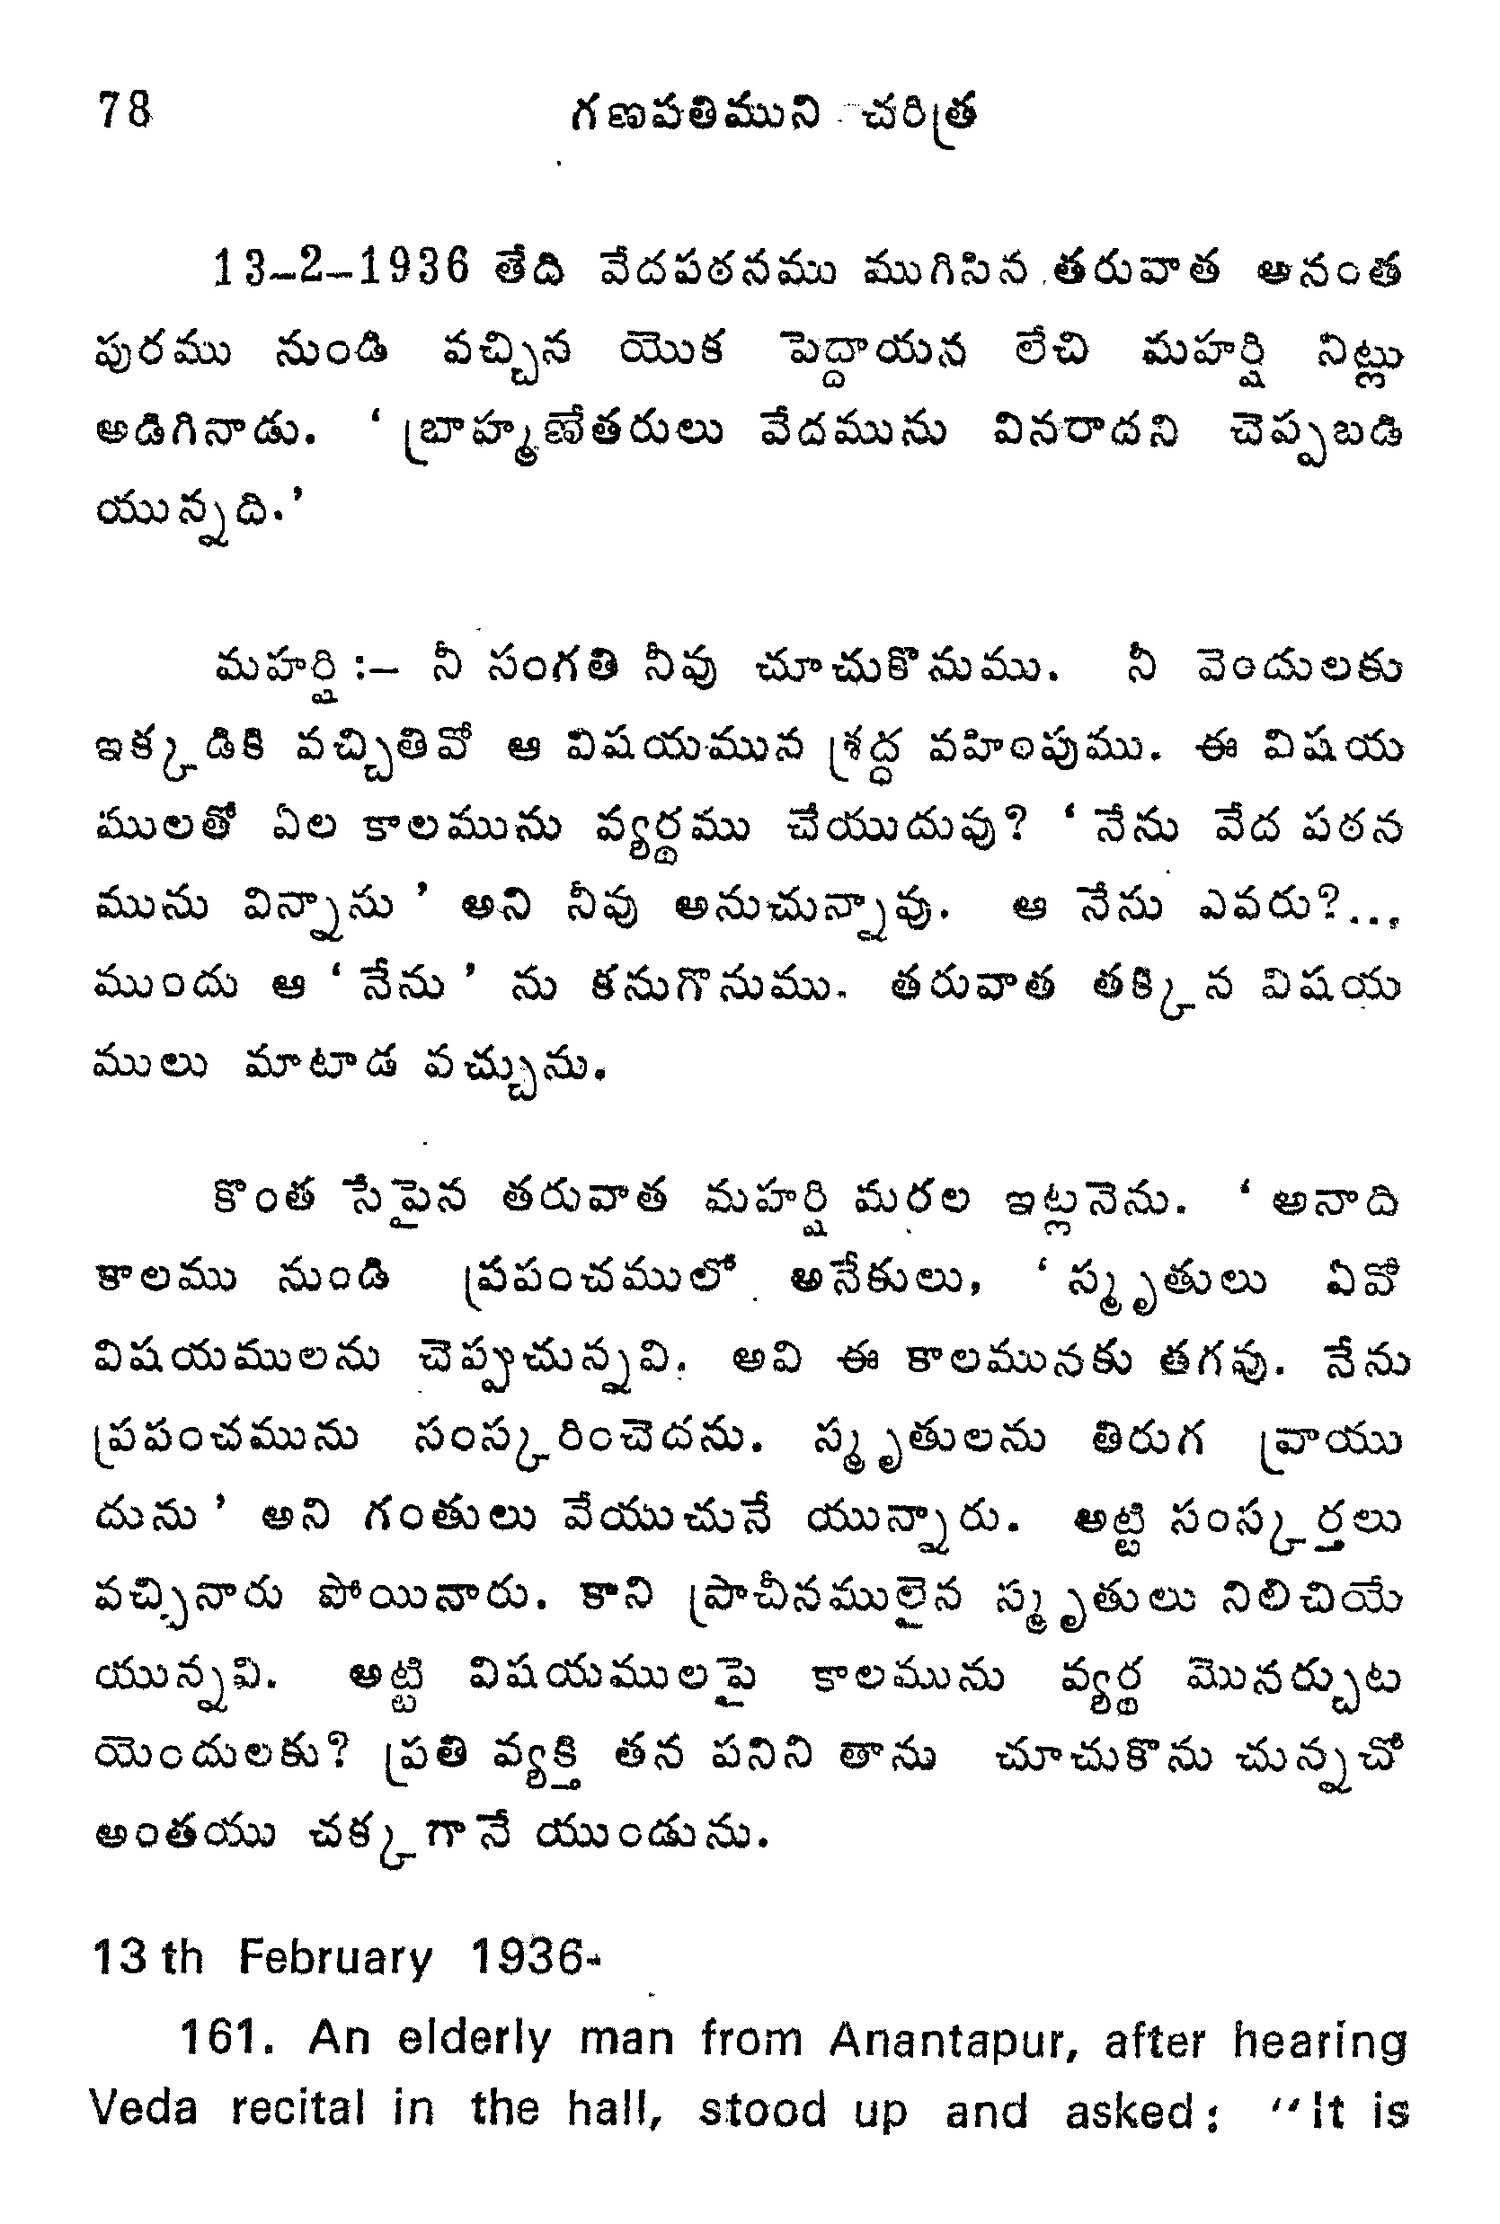13-2-1936 తేది వేదపఠనము ముగిసిన తరువాత అనంతపురము నుండి వచ్చిన యొక పెద్దాయన లేచి మహర్షి నిట్లు అడిగినాడు. 'బ్రాహ్మణేతరులు వేదమును వినరాదని చెప్పబడి యున్నది.'

మహర్షి:- నీ సంగతి నీవు చూచుకొనుము. నీ వెందులకు ఇక్కడికి వచ్చితివో ఆ విషయమున శ్రద్ద వహింపుము. ఈ విషయములతో ఏల కాలమును వ్యర్థము చేయుదువు? 'నేను వేద పఠనమును విన్నాను' అని నీవు అనుచున్నావు. అ నేను ఎవరు?... ముందు ఆ 'నేను' ను కనుగొనుము. తరువాత తక్కిన విషయములు మాటాడ వచ్చును.

కొంత సేపైన తరువాత మహర్షి మరల ఇట్లనెను. ' అనాది కాలము నుండి ప్రపంచములో అనేకులు, 'స్మృతులు ఏవో విషయములను చెప్పుచున్నవి. అవి ఈ కాలమునకు తగవు. నేను ప్రపంచమును సంస్కరించెదను. స్మృతులను తిరుగ వ్రాయుదును' అని గంతులు వేయుచునే యున్నారు. అట్టి సంస్కర్తలు వచ్చినారు పోయినారు. కాని ప్రాచీనములైన స్మృతులు నిలిచియే యున్నవి. అట్టి విషయములపై కాలమును వ్యర్థ మొనర్చుట యెందులకు? ప్రతి వ్యక్తి తన పనిని తాను చూచుకొను చున్నచో అంతయు చక్కగానే యుండును.

13 th February 1936

161. An elderly man from Anantapur, after hearing veda recital in the hall, stood up and asked: "it is